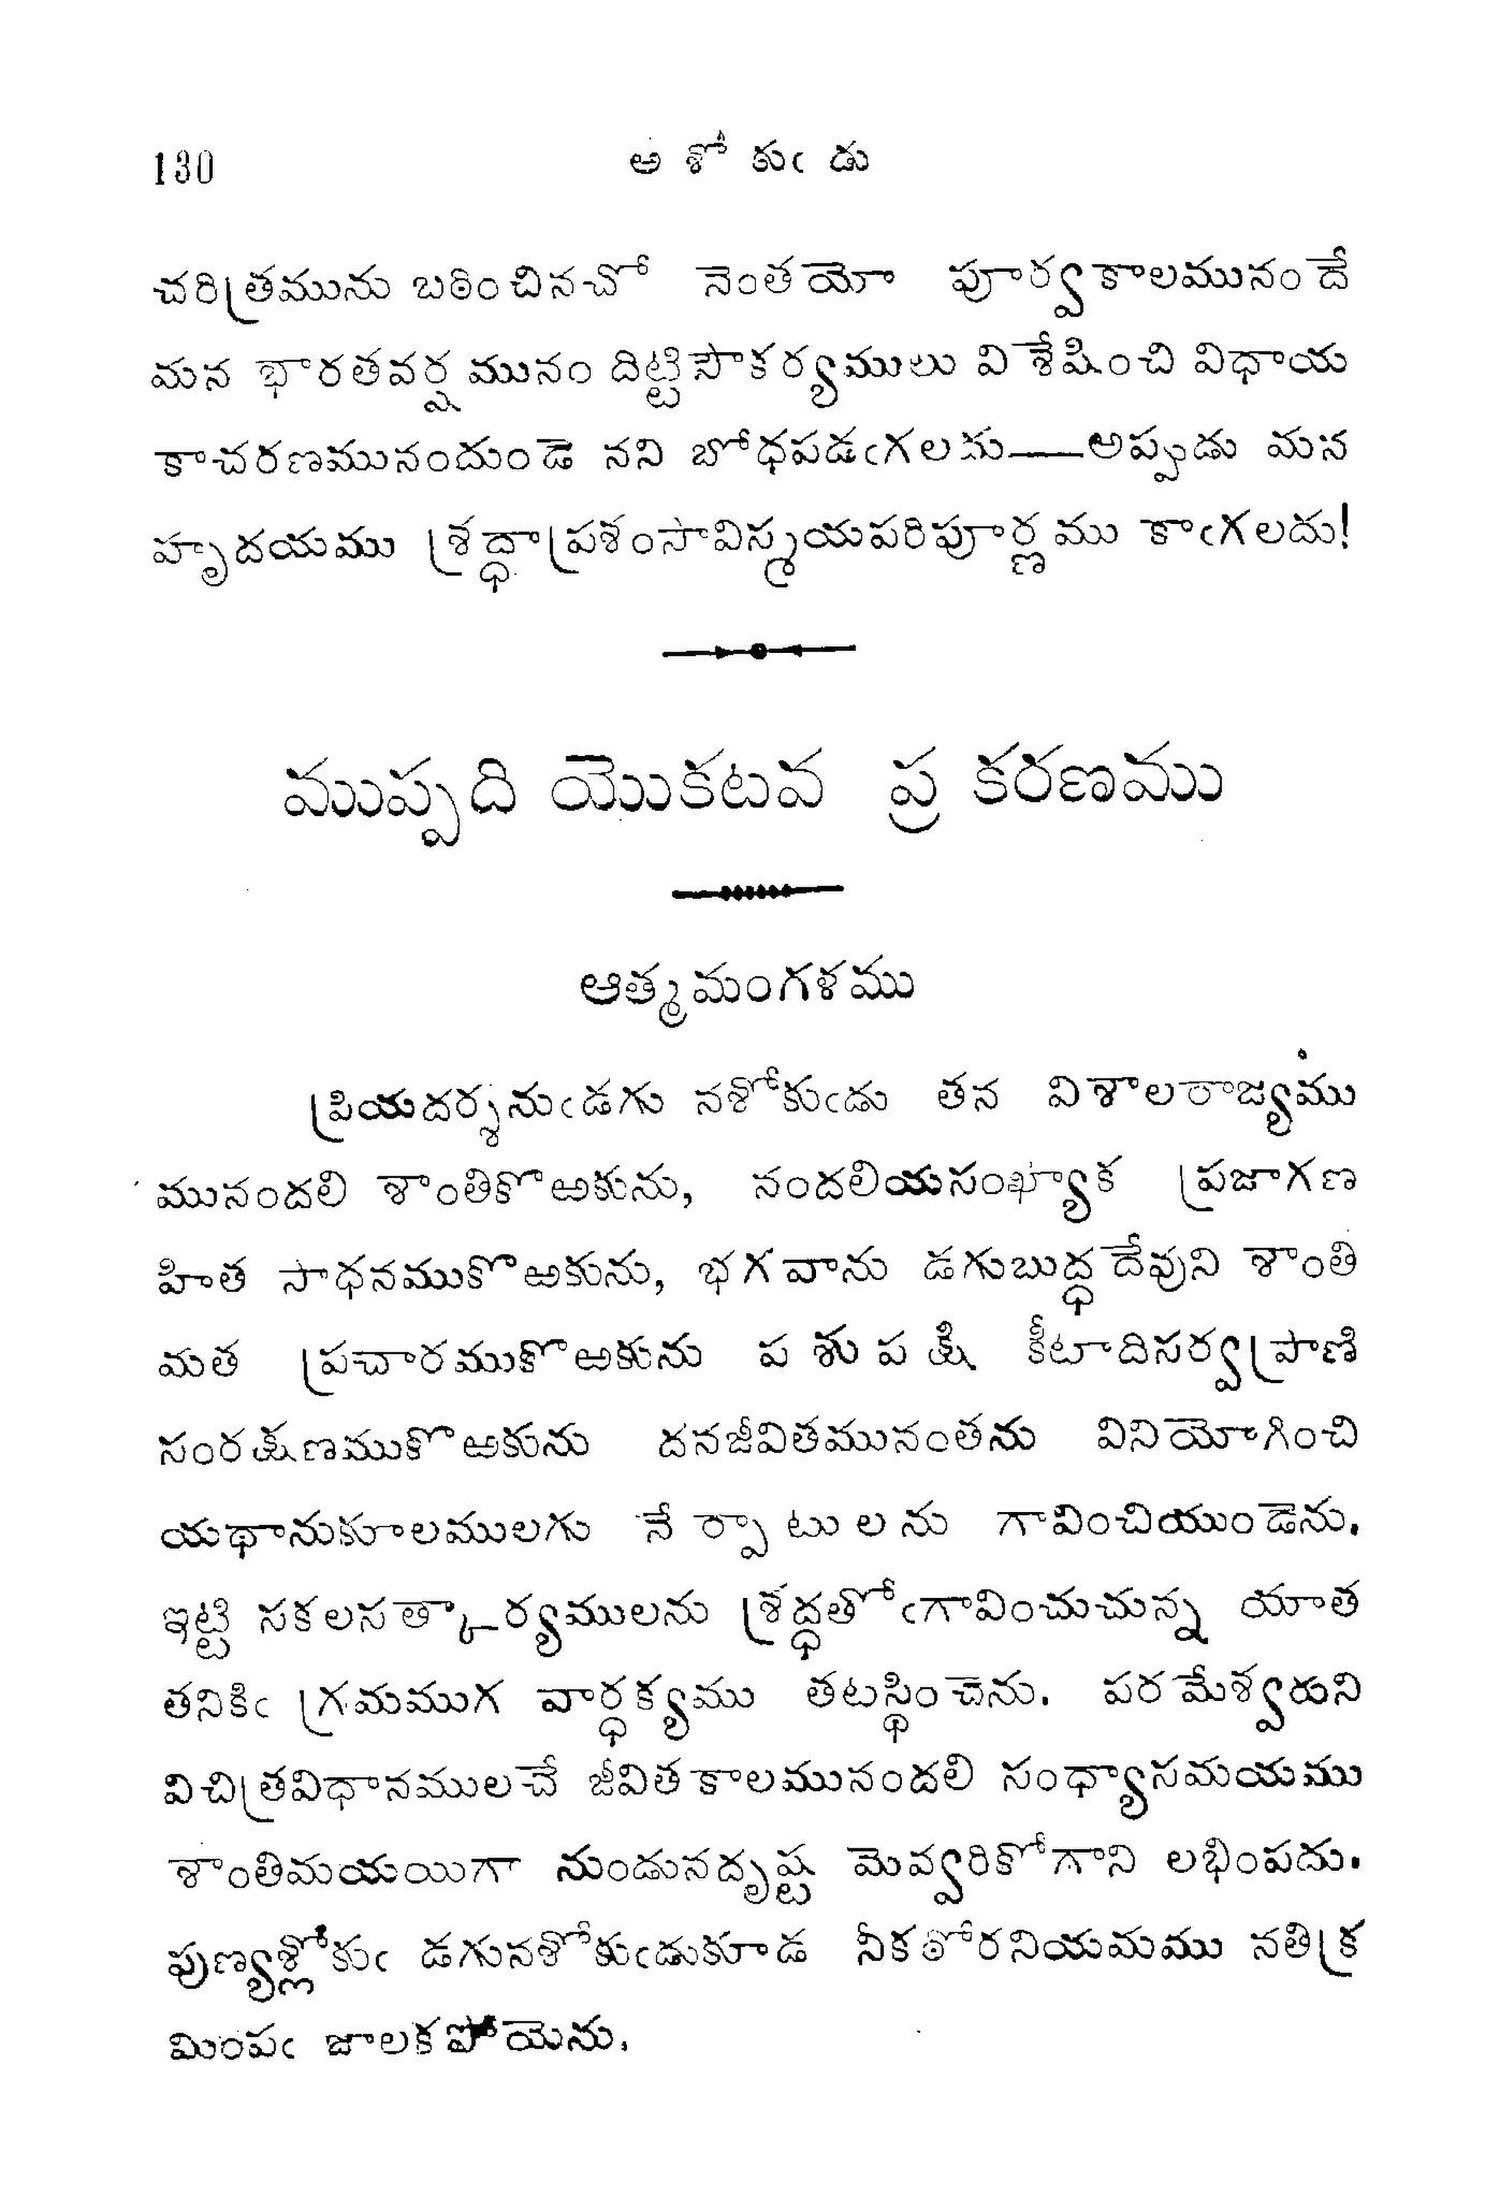చరిత్రమును బఠించినచో నెంతయో పూర్వకాలమునందే మన భారతవర్షమునం దిట్టి సౌకర్యములు విశేషించి విధాయ కాచరణము నందుండె నని బోధపడఁగలదు--అప్పుడు మన
హృదయము శ్రద్ధాప్రశంసావిస్మయపరిపూర్ణము కాఁగలదు!

ప్రియదర్శనుఁడగు నశోకుఁడు తన విశాలరాజ్యము మునందలి శాంతికొఱకును, నందలియసంఖ్యాక ప్రజాగణహిత సాధనము కోఱకును, భగవాను డగుబుద్ధ దేవుని శాంతి
మత ప్రచారముకొఱకును పశుపక్షి కీటాదిసర్వప్రాణి సంరక్షణముకొఱకును దన జీవితము నంతను వినియోగించి యథానుకూలములగు 'నే ర్పా టు ల ను గావించియుండెను.ఇట్టి సకలసత్కార్యములను శ్రద్ధతోఁ గావించుచున్న యాతతనికిఁ గ్రమముగ వార్ధక్యము తటస్థించెను. పరమేశ్వరుని విచిత్రవిధానములచే జీవిత కాలమునందలి సంధ్యాసమయము శాంతిమయయిగా నుండునదృష్ట మెవ్వరికో గాని లభింపదు. పుణ్యశ్లోకుఁ డగునశోకుఁడుకూడ నీకఠోర నియమము నతిక్రమింపఁ జాలక పోయెను,